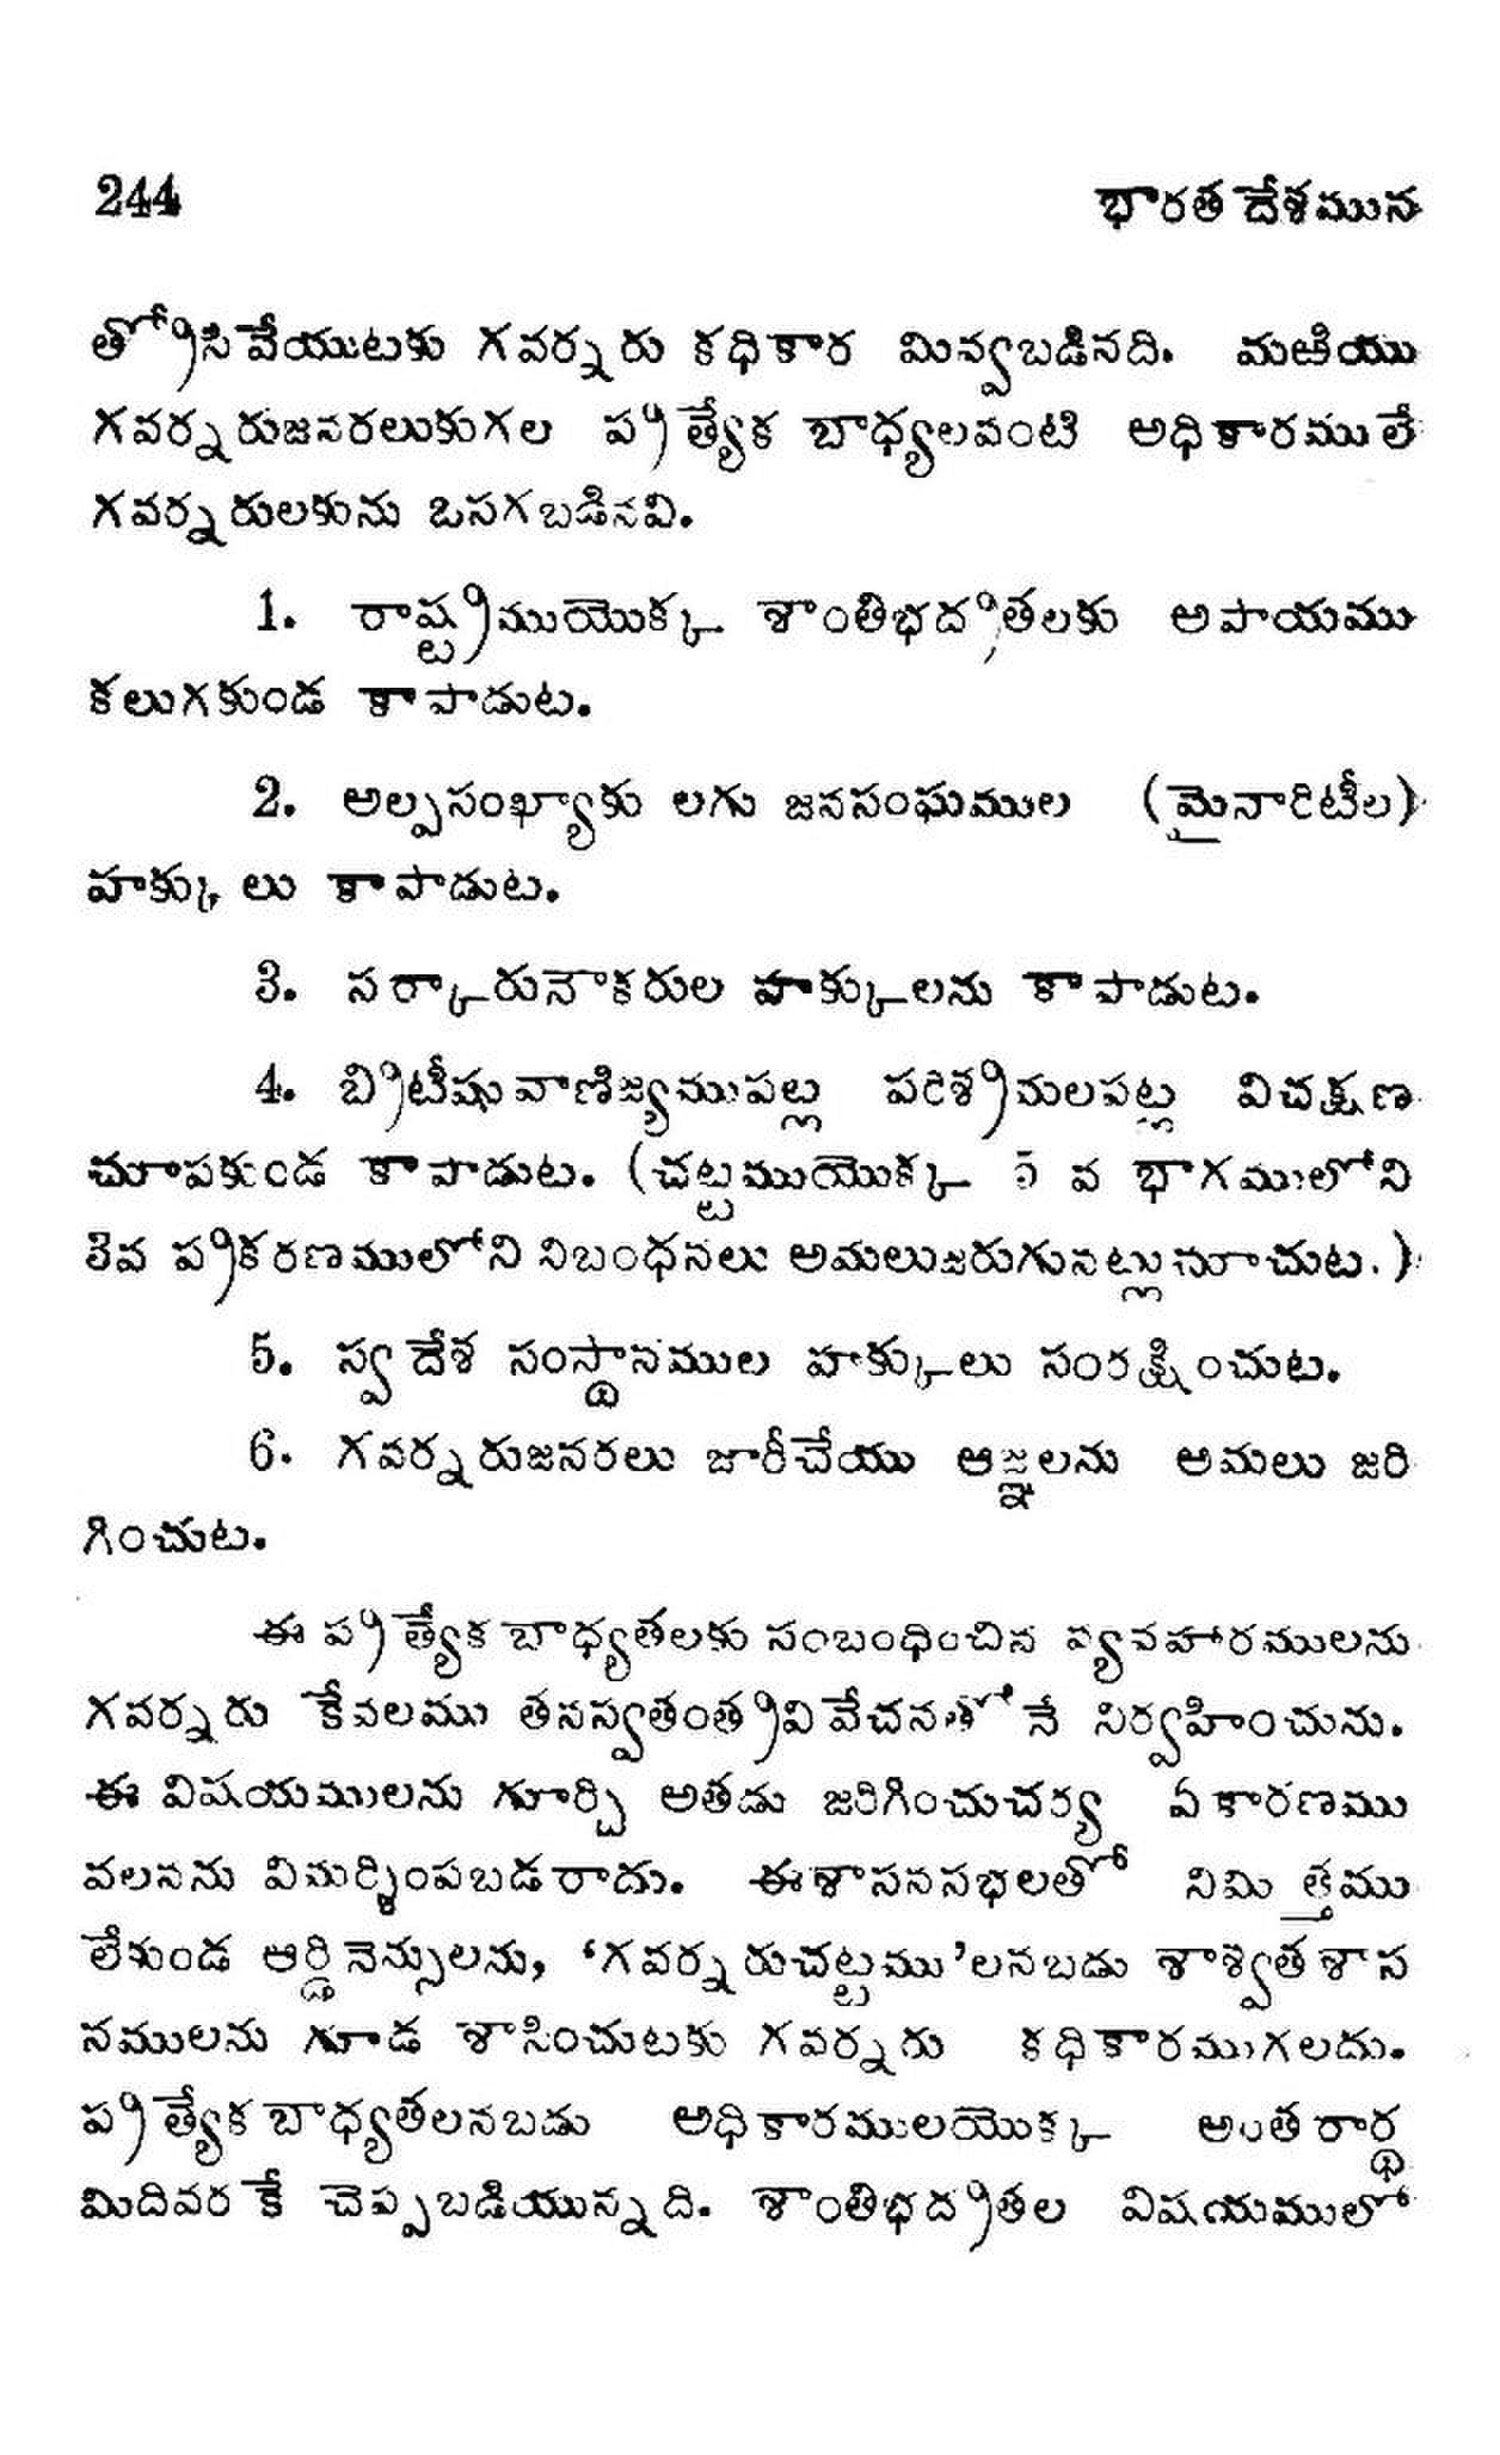త్రోసివేయుటకు గవర్నరు కధికార మివ్వబడినది. మఱియు గవర్నరుజవరలుకుగల ప్రత్యేక బాధ్యతలవంటి అధికారములే గవర్నరులకును ఒసగబడినవి.

1. రాష్ట్రముయొక్క శాంతిభద్రతలకు అపాయము కలుగకుండ కాపాడుట.

2. అల్పసంఖ్యాకు లగు జనసంఘముల (మైనారిటీల). హక్కులు కాపాడుట.

3. సర్కారునౌకరుల హక్కులను కాపాడుట.

4. బ్రిటీషువాణిజ్యముపట్ల పరిశ్రమలపట్ల విచక్షణ చూపకుండ కాపాడుట. (చట్టముయొక్క 5 వ భాగములోని 3వ ప్రకరణములోని నిబంధనలు అమలుజరుగునట్లుచూచుట. )

5. స్వదేశ సంస్థానముల హక్కులు సంరక్షించుట.

6. గవర్నరుజనరలు జారీచేయు ఆజ్ఞలను అమలు జరిగించుట.

ఈ ప్రత్యేక బాధ్యతలకు సంబంధించిన వ్యవహారములను గవర్నరు కేవలము తనస్వతంత్రవివేచనతోనే నిర్వహించును. ఈ విషయములను గూర్చి అతడు జరిగించుచర్య ఏ కారణమువలనను విమర్శింపబడరాదు. ఈశాసనసభలతో నిమిత్తము లేకుండ ఆర్డినెన్సులను, 'గవర్నరుచట్టము'లనబడు శాశ్వతశాసనములను గూడ శాసించుటకు గవర్నరు కధికారముగలదు. ప్రత్యేకబాధ్యతలనబడు అధికారములయొక్క అంతరార్థ మిదివరకే చెప్పబడియున్నది. శాంతిభద్రతల విషయములో